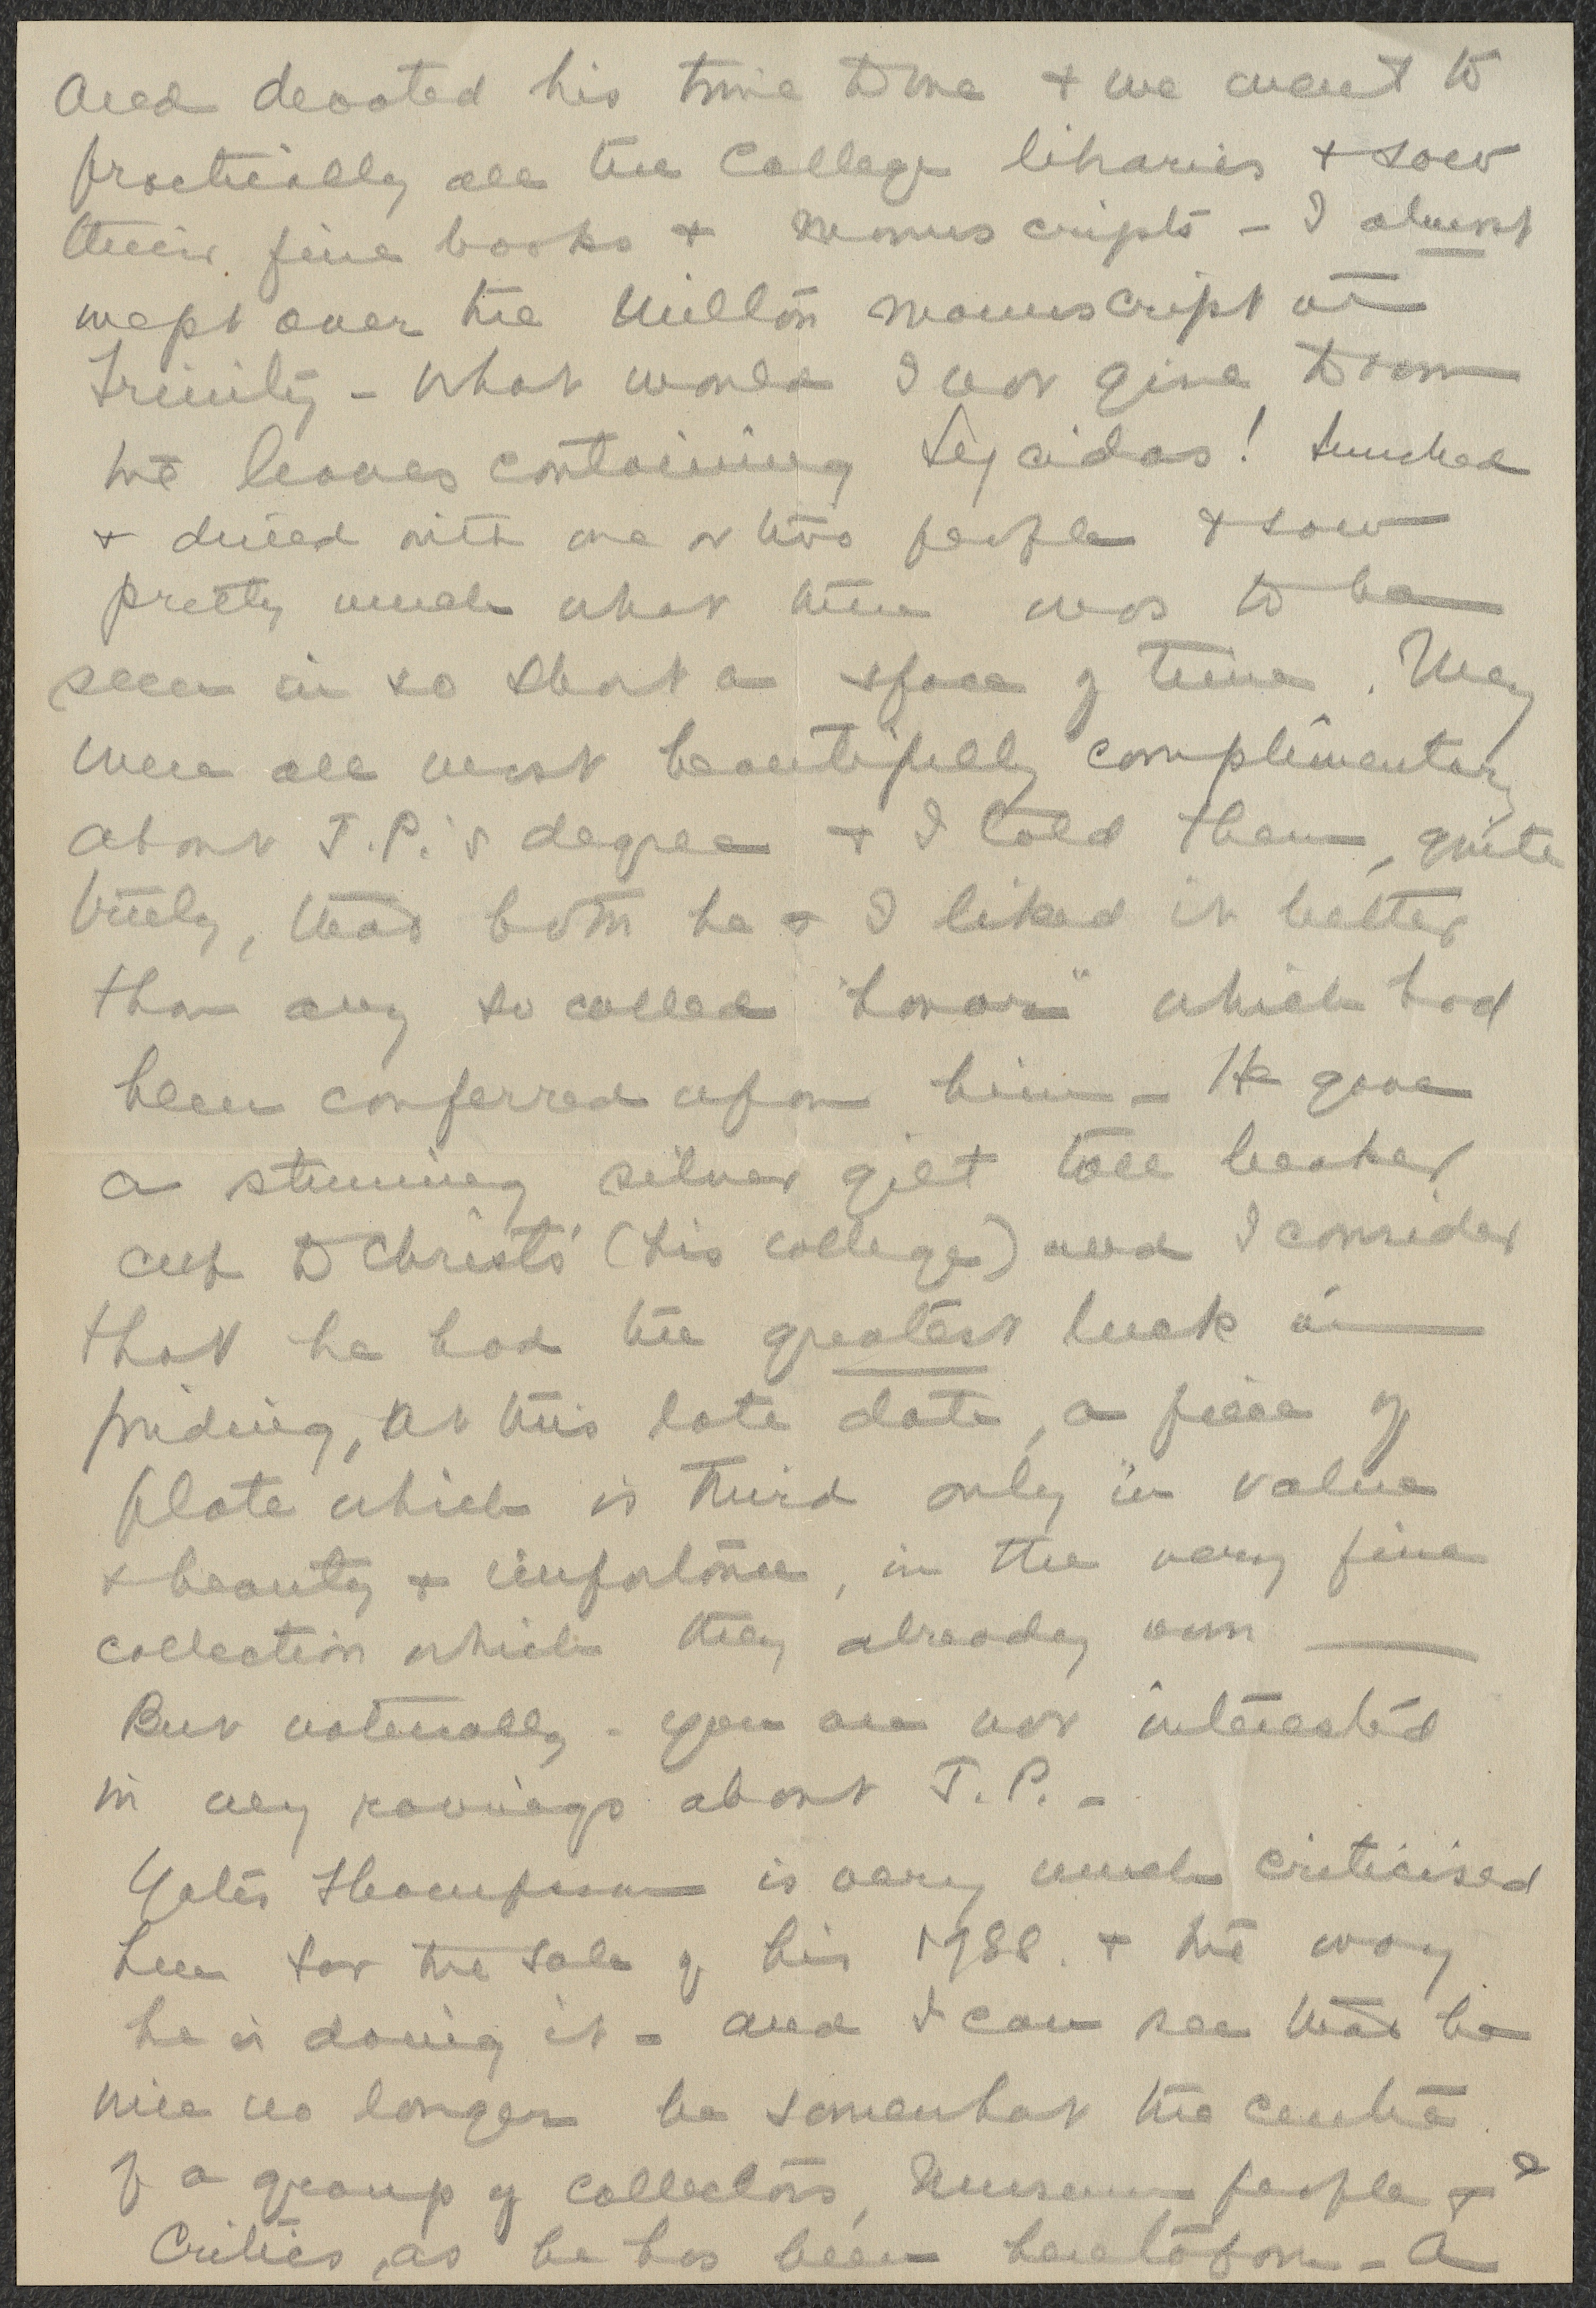and devoted his time to me & we went to practically all the college libraries & saw their fine books & manuscripts – I almost wept over the Milton manuscripts at Trinity – What would I not give to own the leaves containing Lycidas! Lunched & dined with one or two people & saw pretty much what there was to be seen in so short a space of time. They were all most beautifully complimentary about J.P.'s degree & I told him then, quite truly, that both he & I liked it better than any so called "honor" which had been conferred upon him – He gave me a stunning silver gilt tall beaker cup to Christ's (his college) and I consider that he had the greatest luck in finding, at this last date, a piece of plate which is third only in value & beauty & importance, in the very fine collection which they already own –
But naturally – you are not interested in any ravings about J.P. –
Yates Thompson is very much criticised here for the sale of his MSS. & the way he is doing it – and I can see that he will no longer be somewhat the centre of a group of collectors, museum people & critics, as he has been heretofore – A